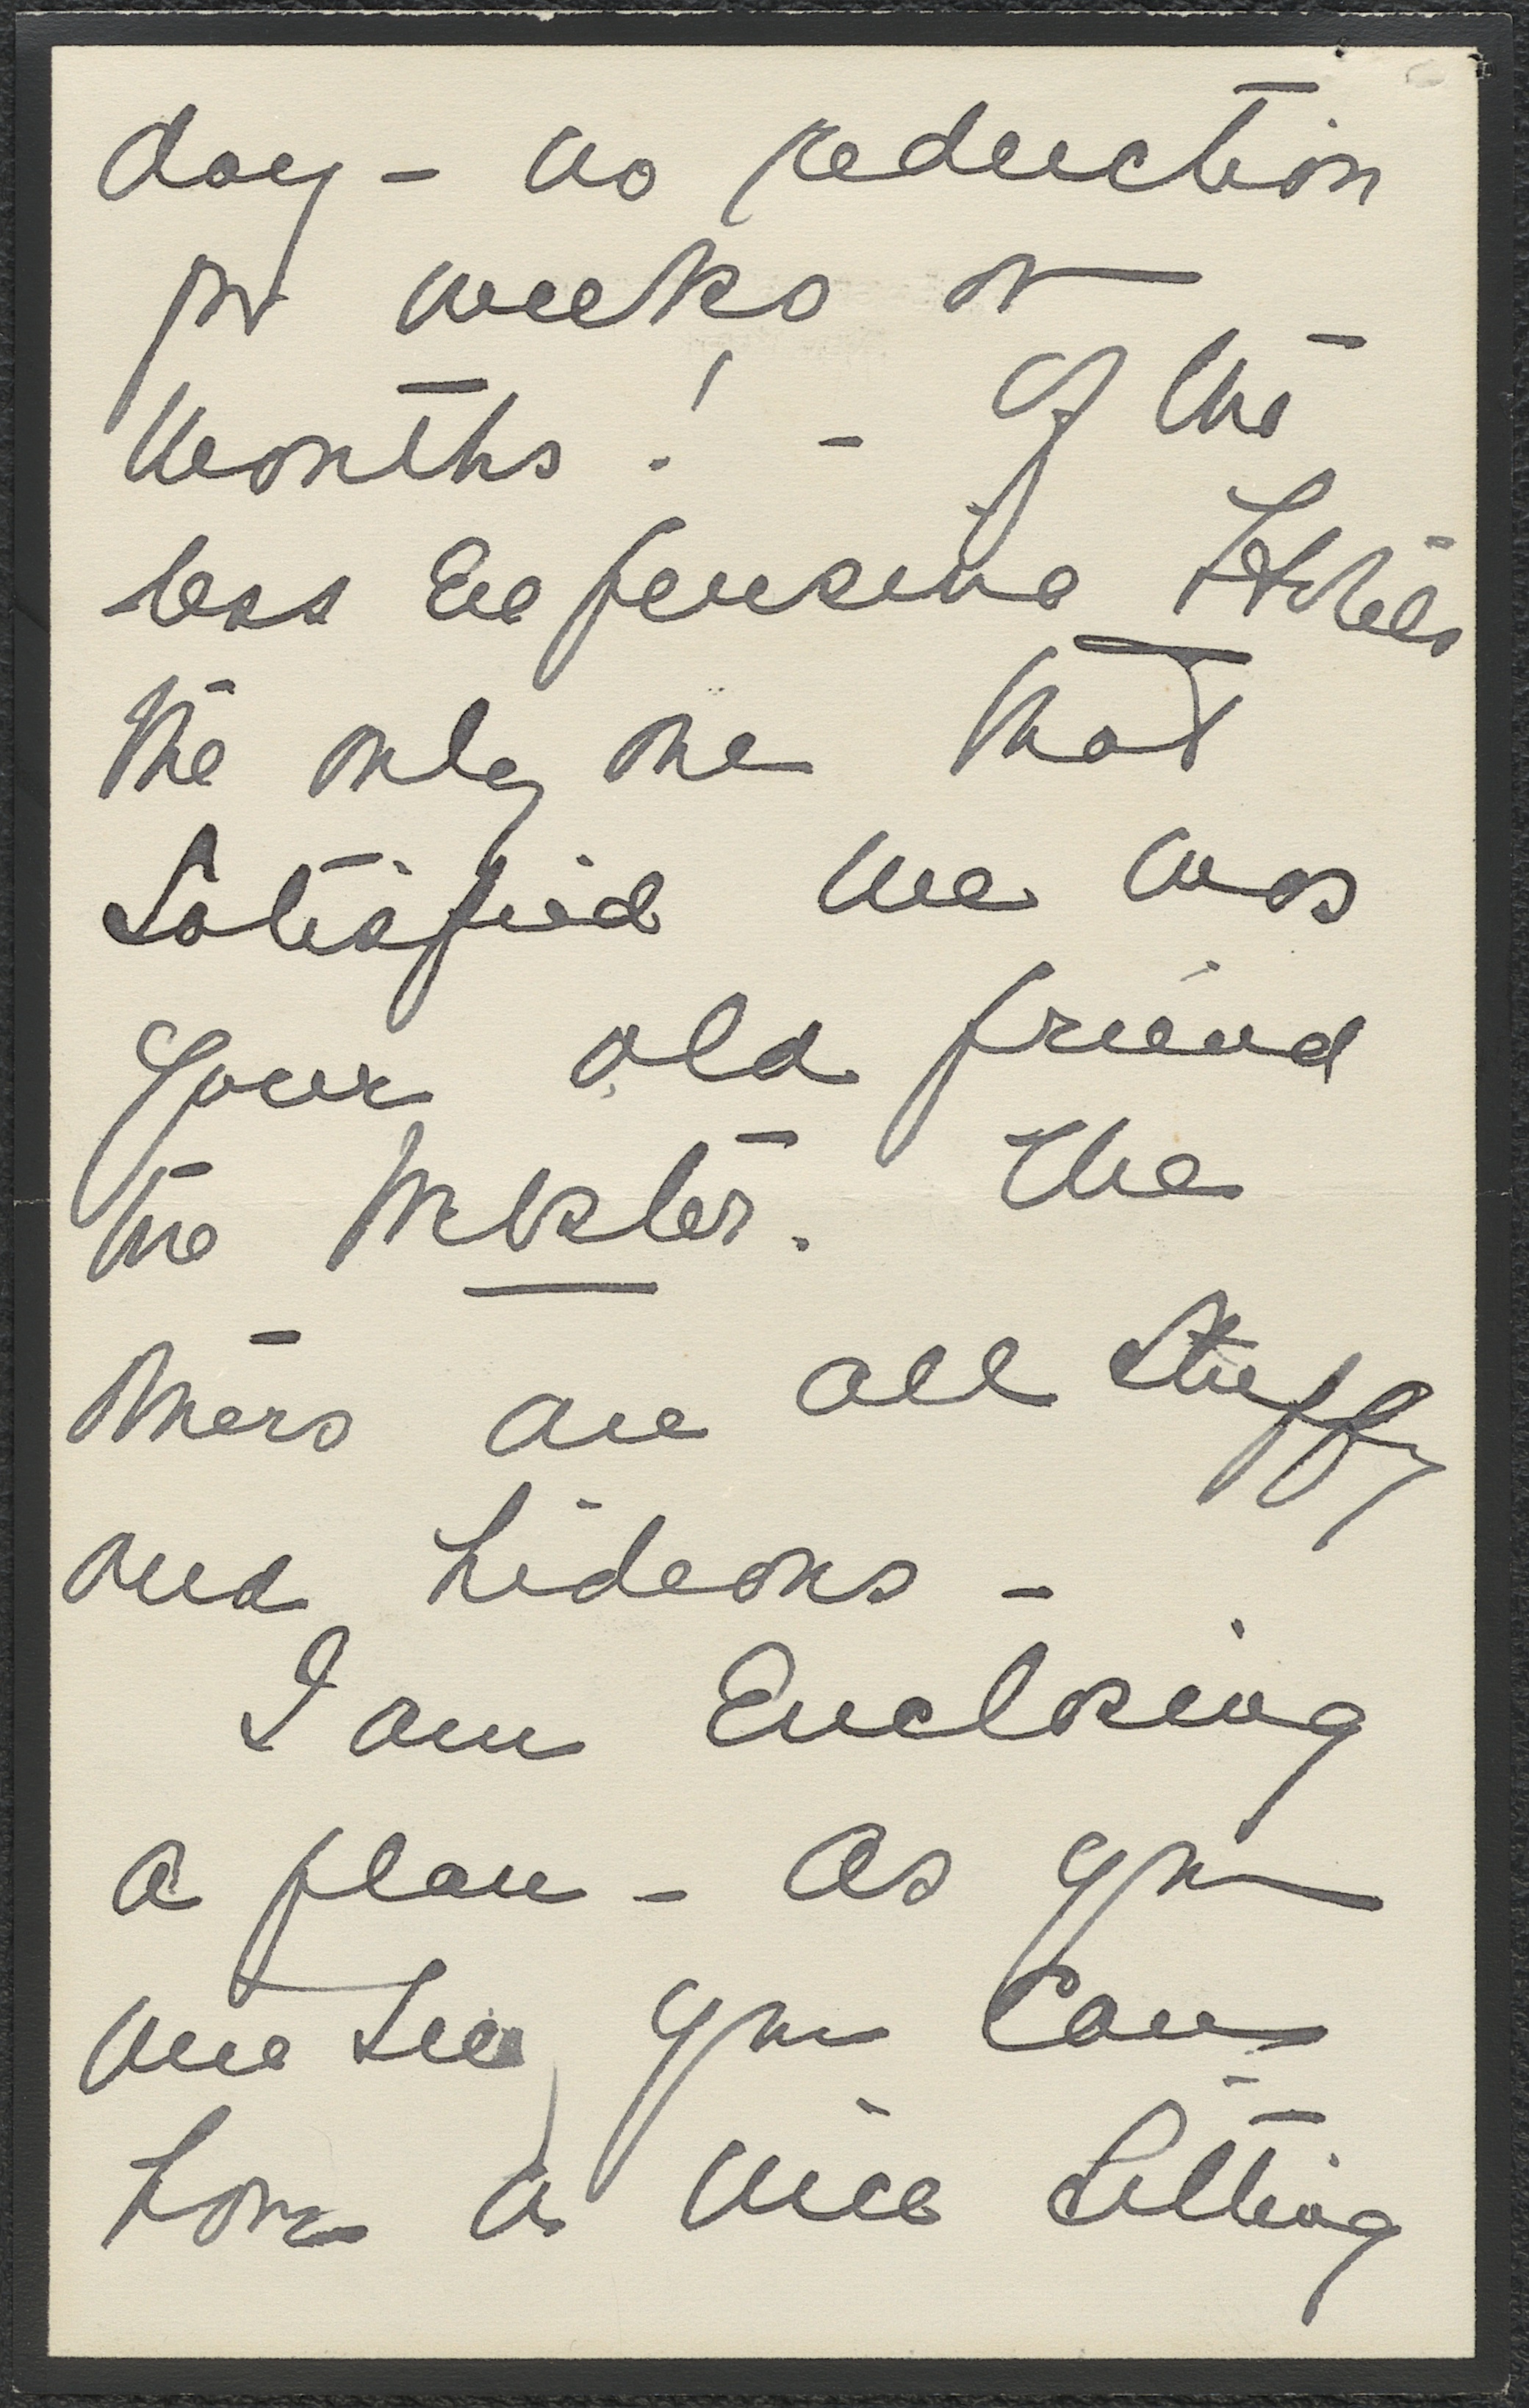day – no reduction for weeks or months! – Of the less expensive Hotels the only one that satisfied me was your old friend the Webster. The others are all stuffy and hideous –
I am enclosing a plan – As you will see, you can have a nice sitting